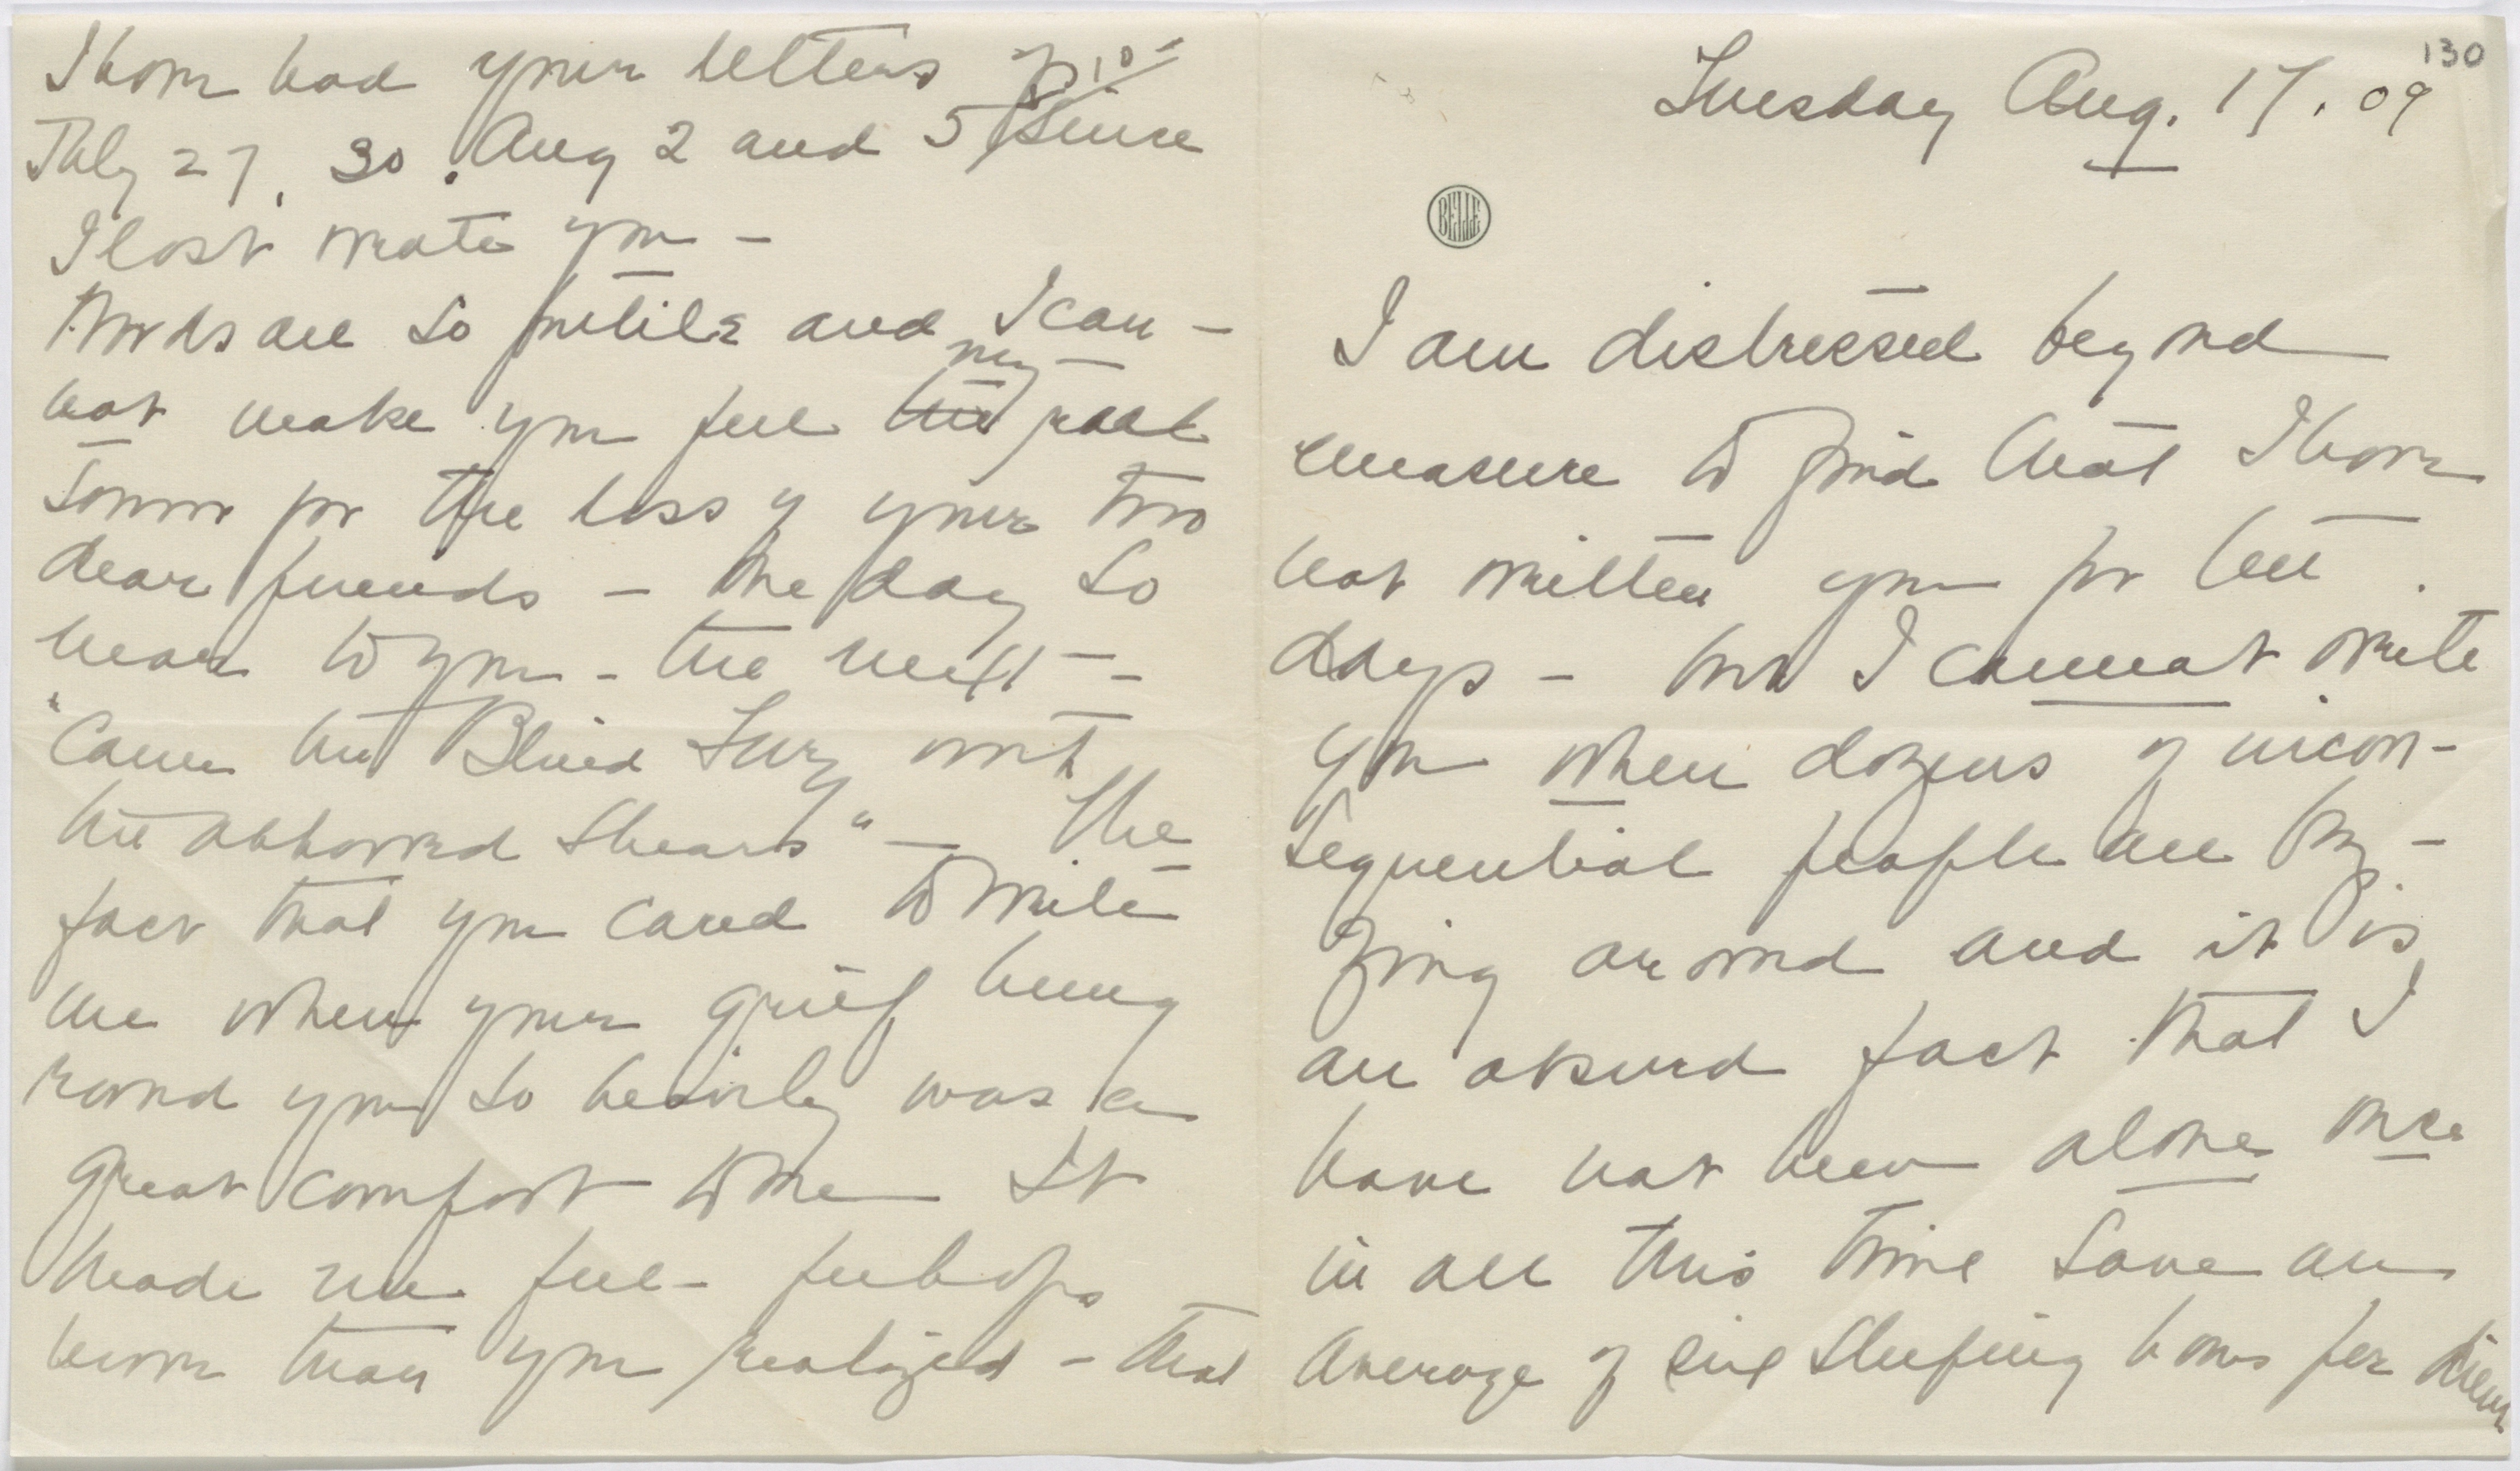Tuesday Aug. 17.
I am distressed beyond measure to find that I have not written you for ten days – but I cannot write you when dozens of inconsequential people are buzzing around and it is an absurd fact that I have not been alone once in all this time save an average of six sleeping hours per diem.
I have had your letters of July 27, 30, Aug 2 and 5 [ˆ& 10–ˆ] since I last wrote you –
Words are so futile and I cannot make you feel the [ˆmyˆ] real sorrow for the loss of your two dear friends – one day so near to you – the next – “comes the Blind Fury with the abhorred shears” – the fact that you cared to write me when your grief hung round you so heavily was a great comfort to me. It made me feel – perhaps more than you realized – that